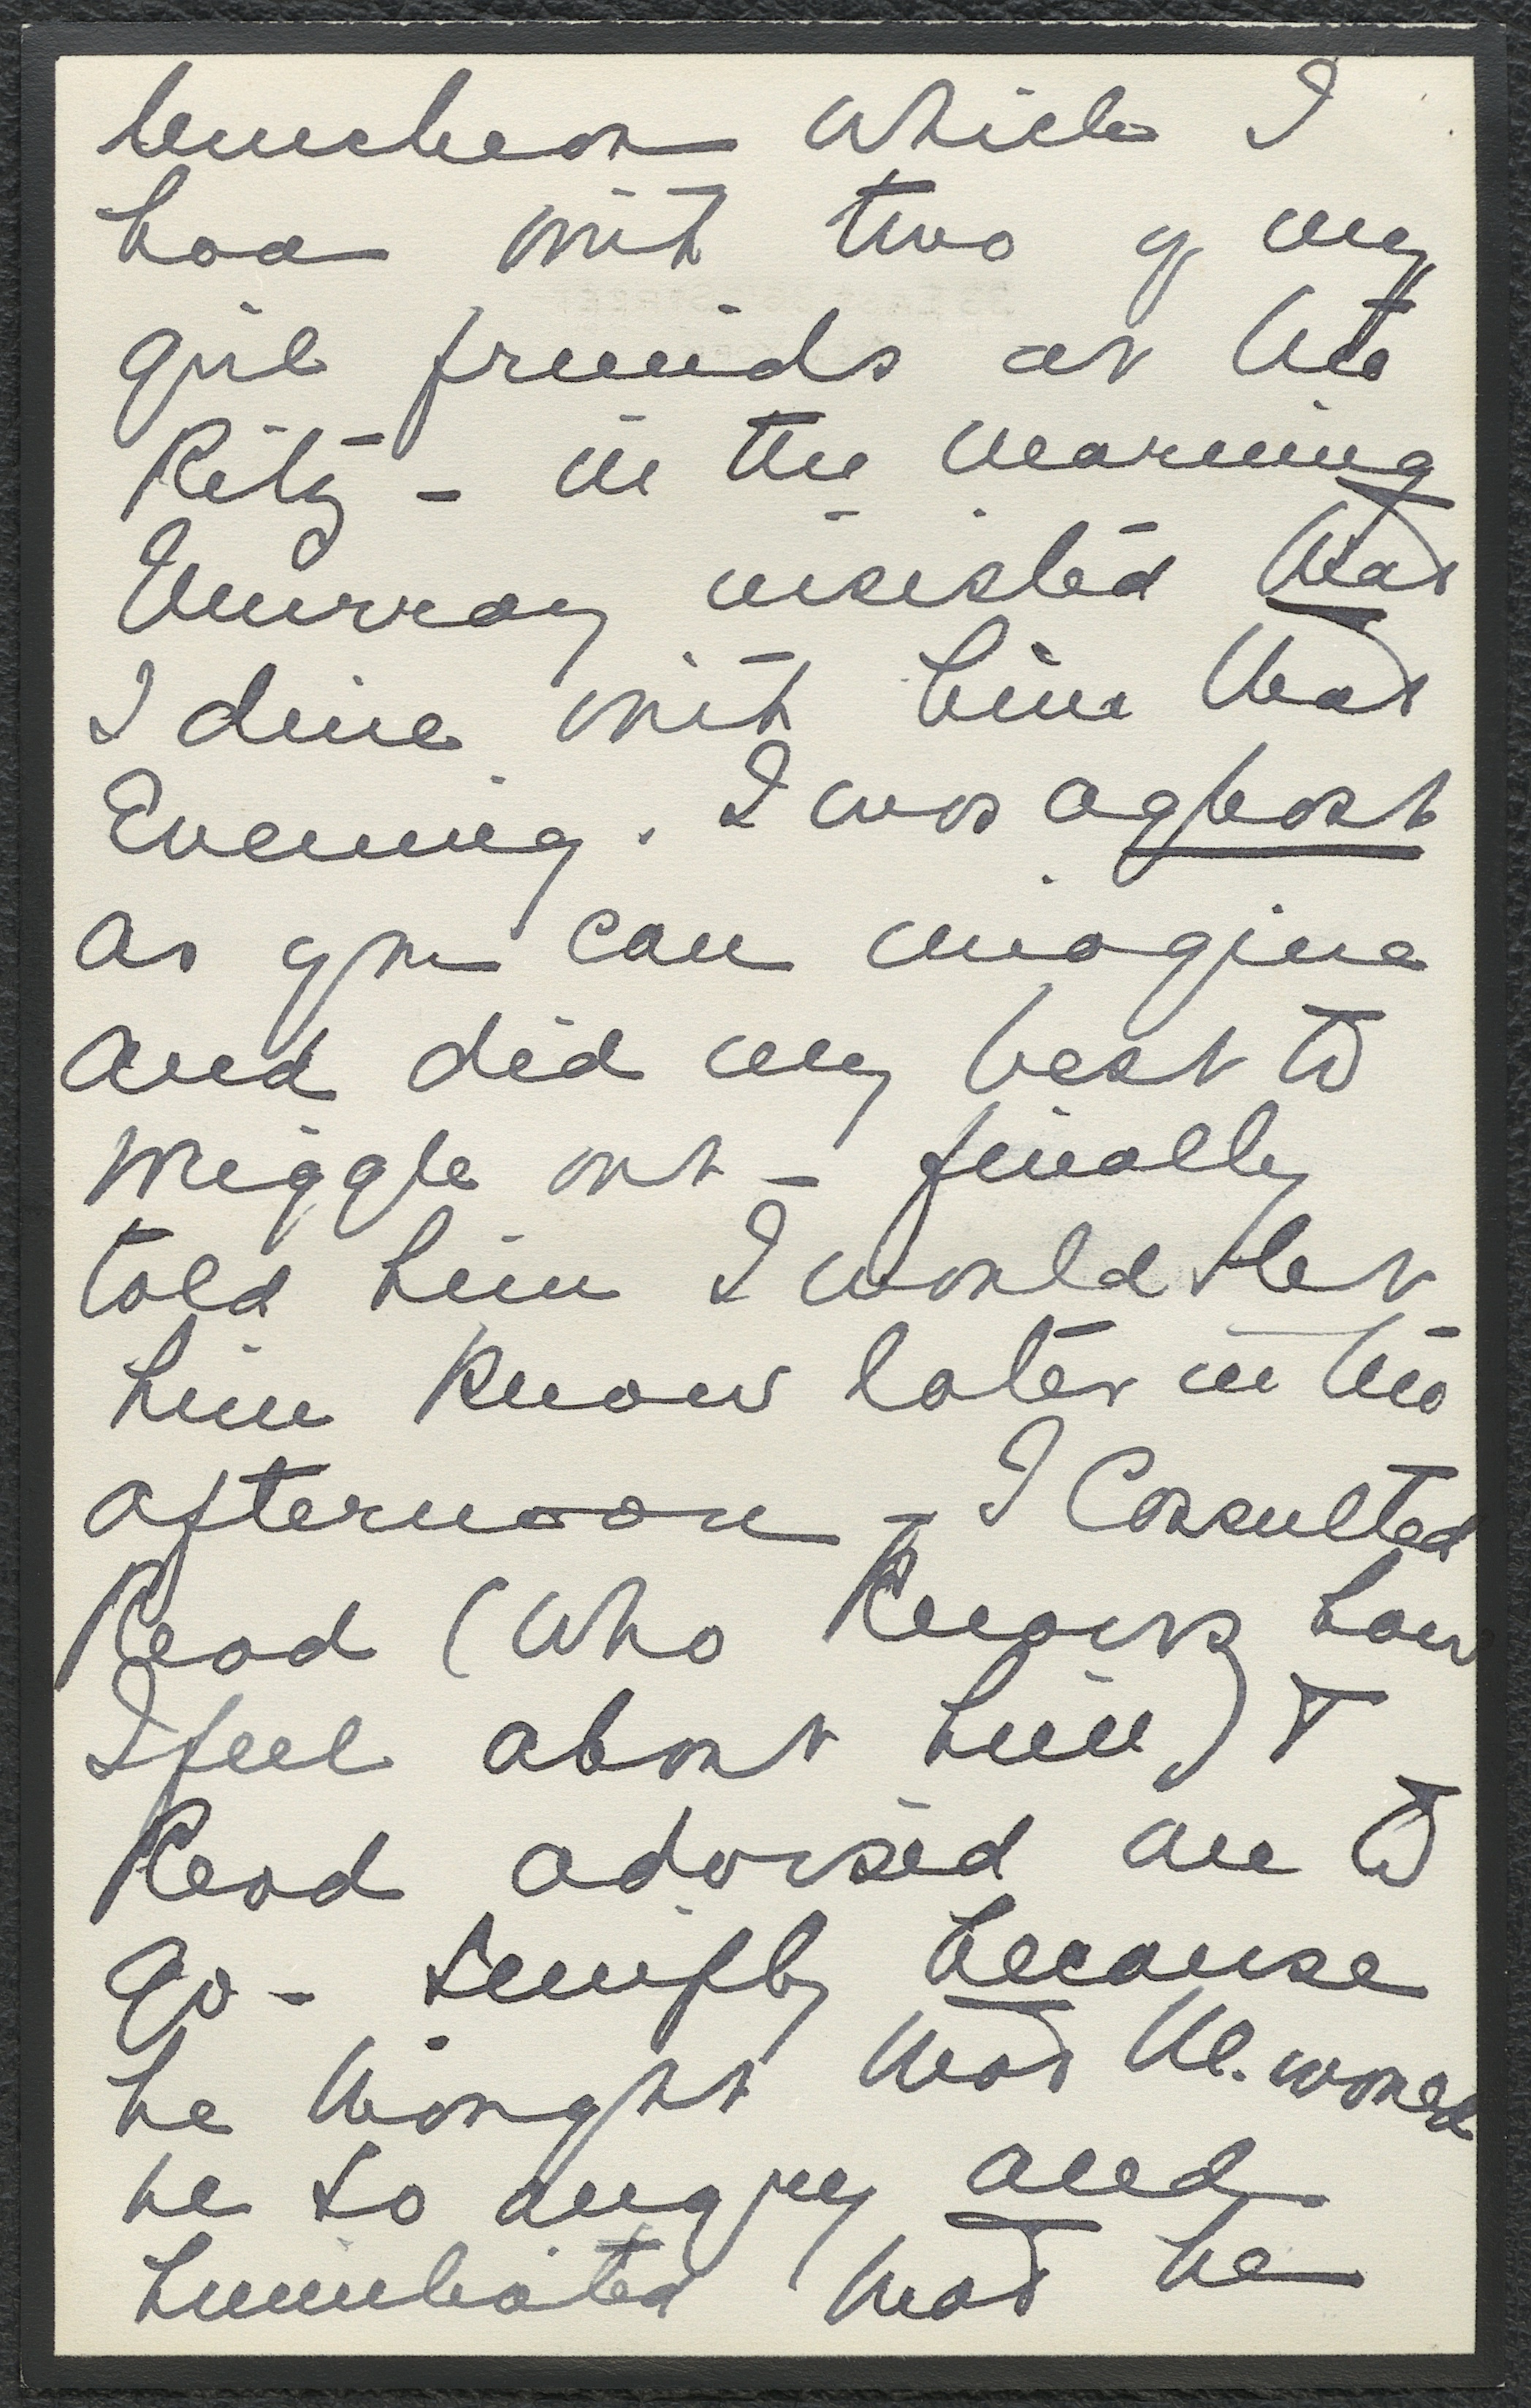luncheon which I had with two of my girl friends at the Ritz – in the morning Murray insisted that I dine with him that Evening. I was aghast as you can imagine and did my best to wiggle out – finally told him I would let him know later in the afternoon – I consulted Read (who knows how I feel about him) & Read advised me to go – simply because he thought that we would be so angry and humiliated that he